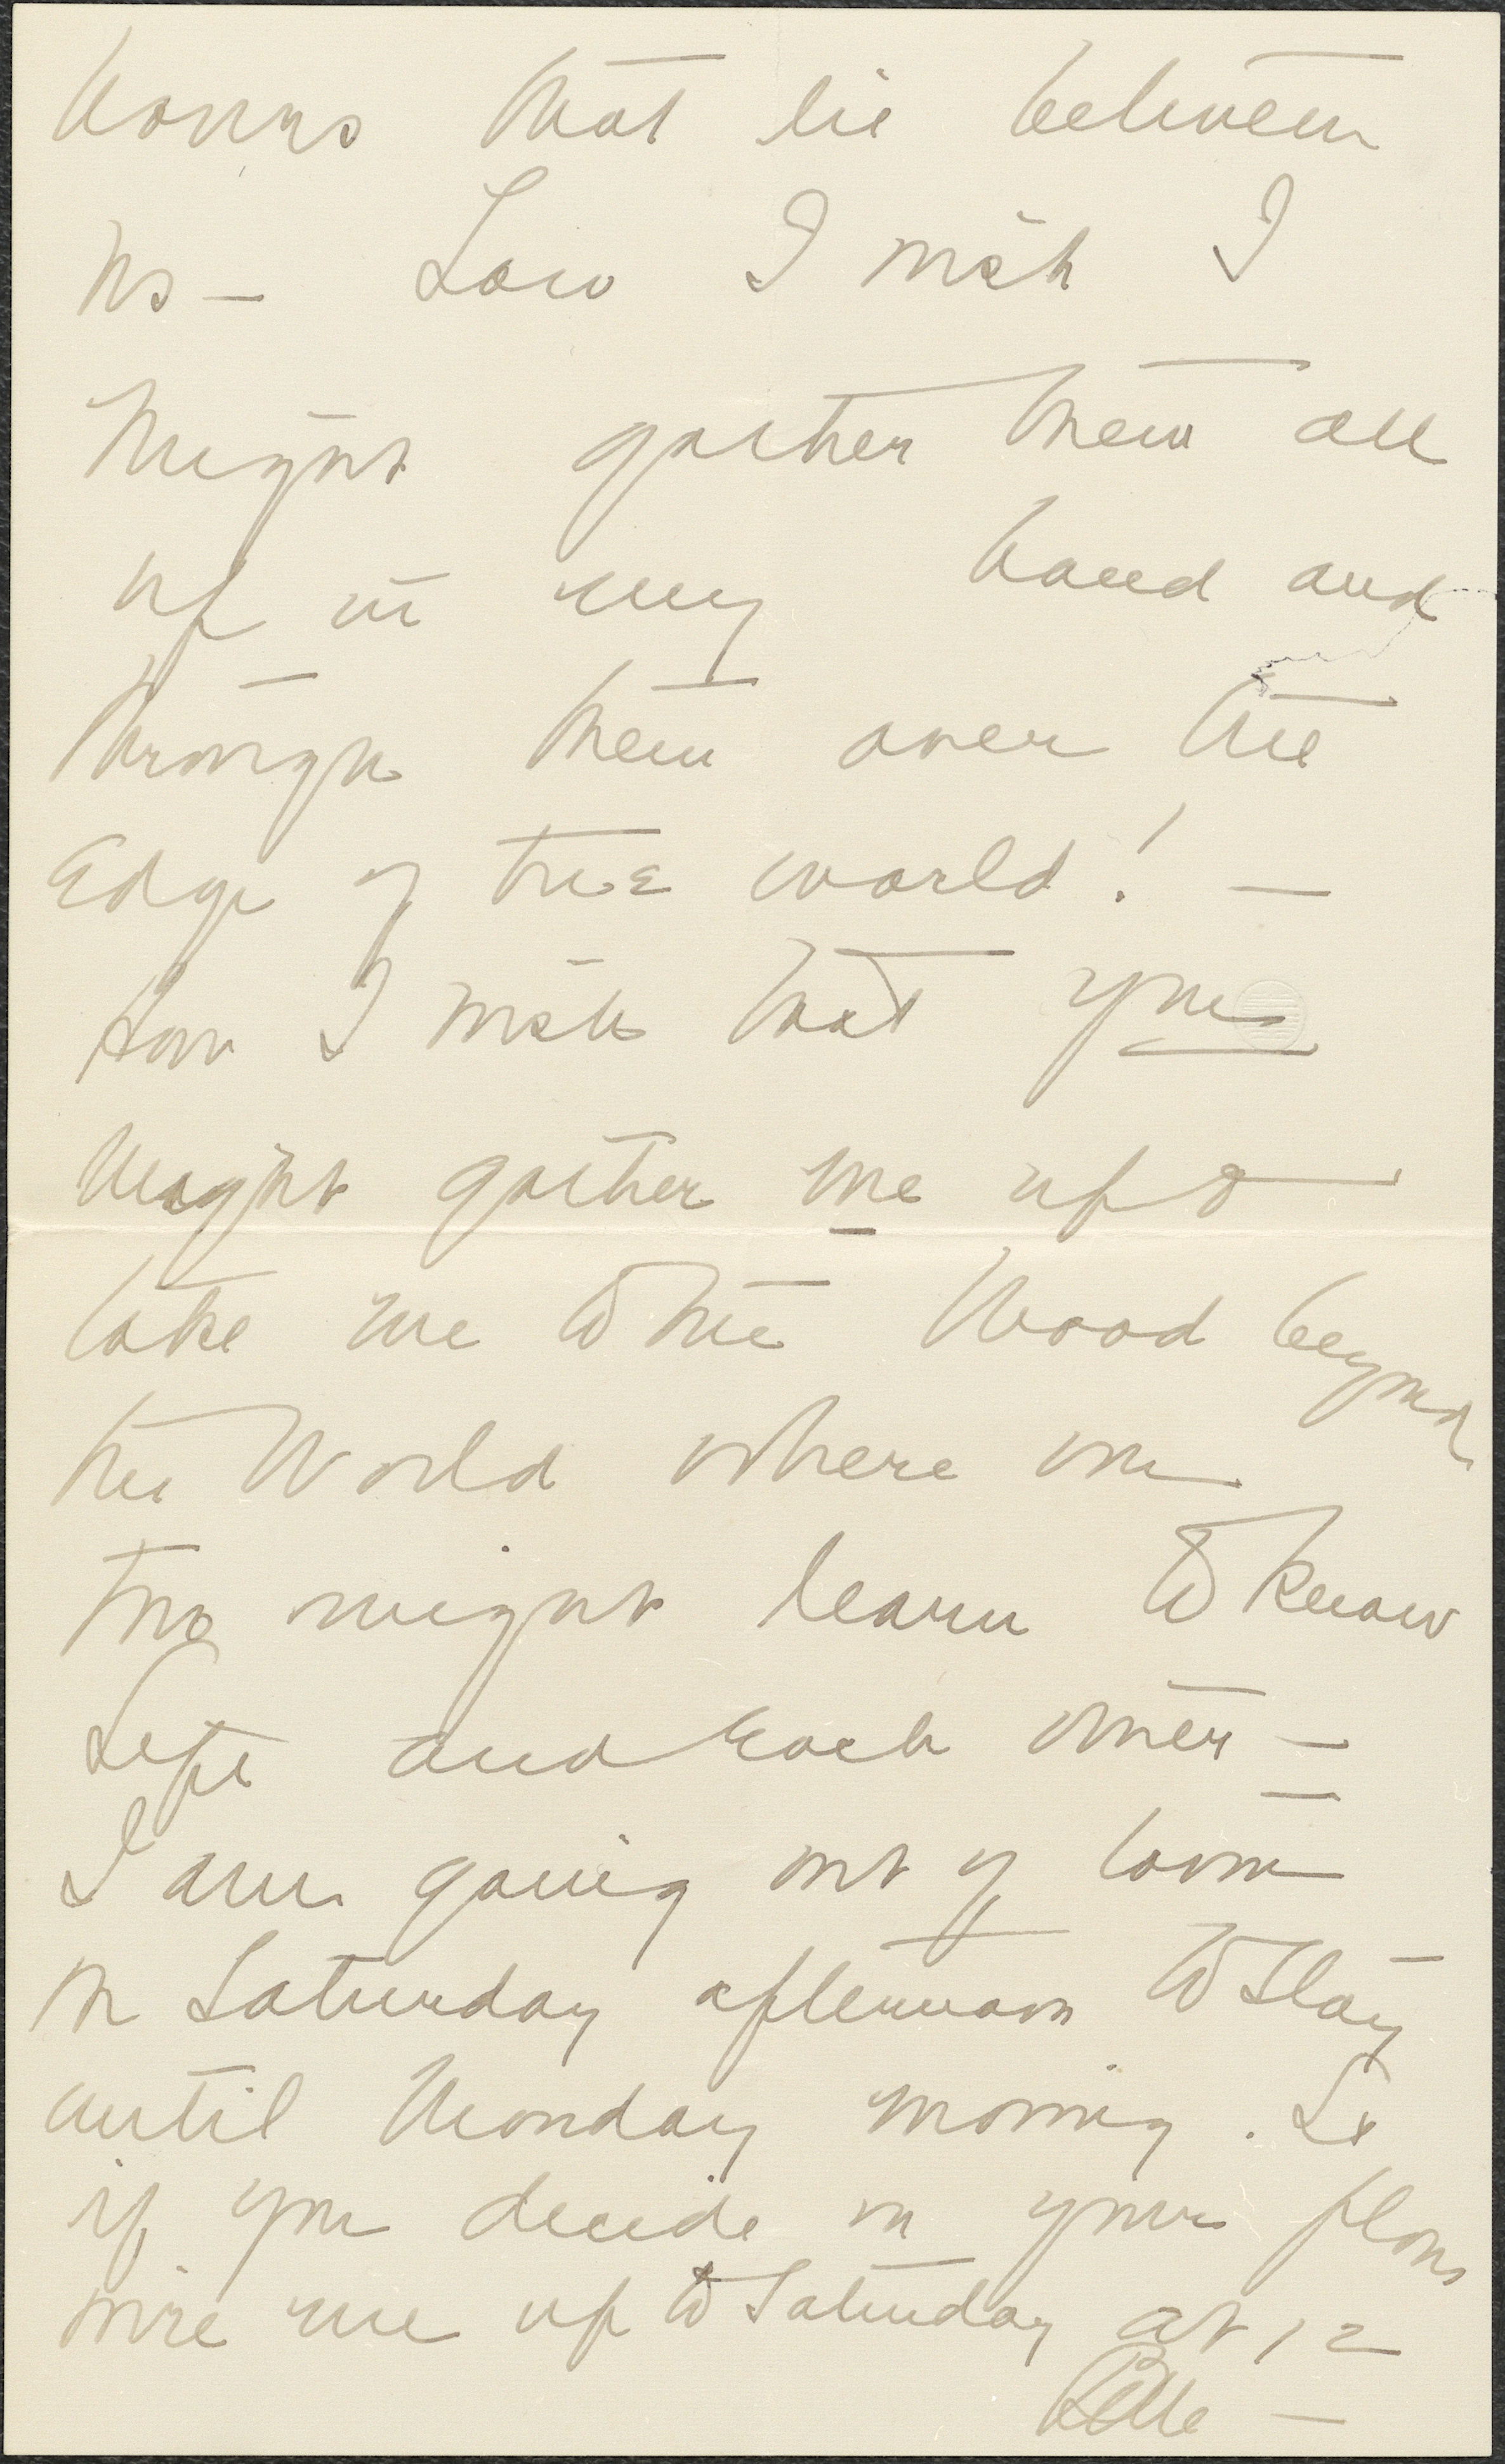hours that lie between us – how I wish I might gather them all up in my hand and through [sic] them over the edge of the world! –
How I wish that you might gather me up & take me to the Wood beyond the World where we two might learn to know life and each other – I am going out of town on Saturday afternoon stay until Monday morning. So if you decide on your plans wire me up to Saturday at 12
Belle –